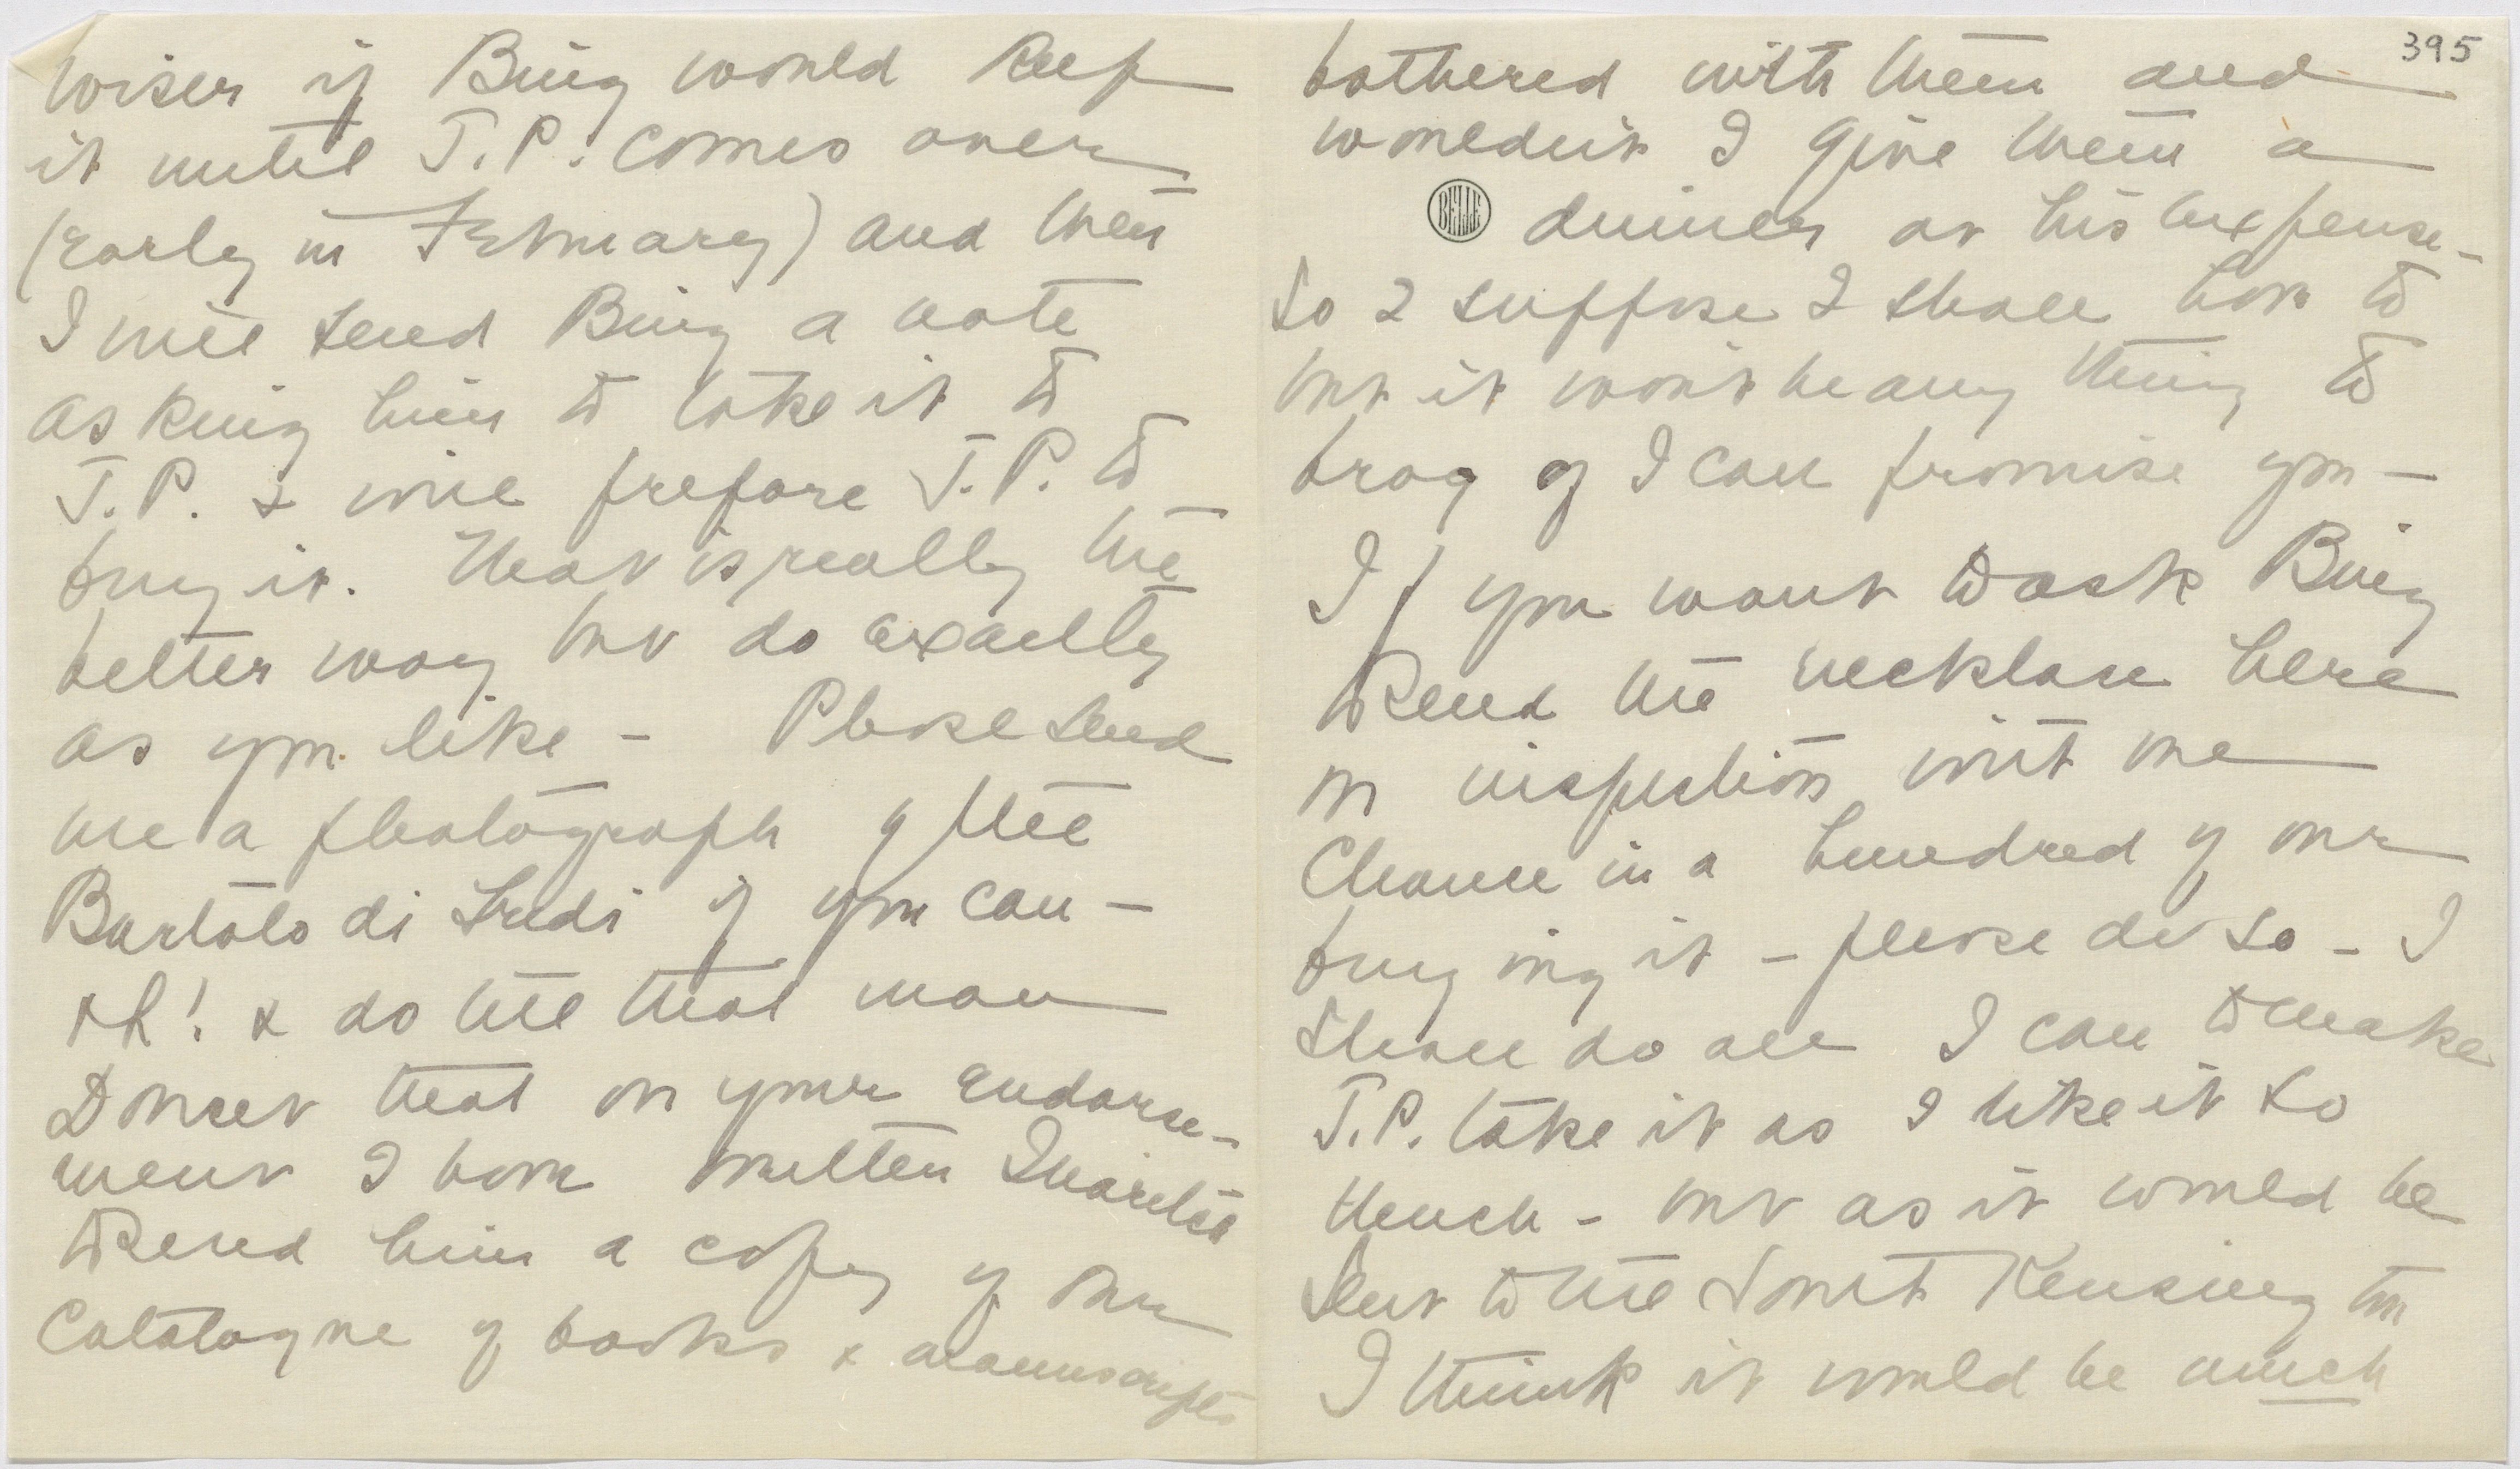bothered with them and wouldn’t I give them a dinner at his expense so I suppose I shall have to but it won’t be any thing to brag of I can promise you – If you want to ask Bing to send the necklace here on inspection with one chance in a hundred of our buying it – please do so – I shall do all I can to make J. P. take it as I like it so much – but as it would be sent to the South Kensington I think it would be much
wiser if Bing would keep it until J. P. comes over (early in February) and then I will send Bing a note asking him to take it to J. P. & will prepare J. P. to buy it. That is really the better way but do exactly as you like – Please send me a photograph of the Bartolo di Fredi if you can – oh! & do tell that man Doucet that on your endorsement I have written Quaritch to send him a copy of our Catalogue of books & manuscripts